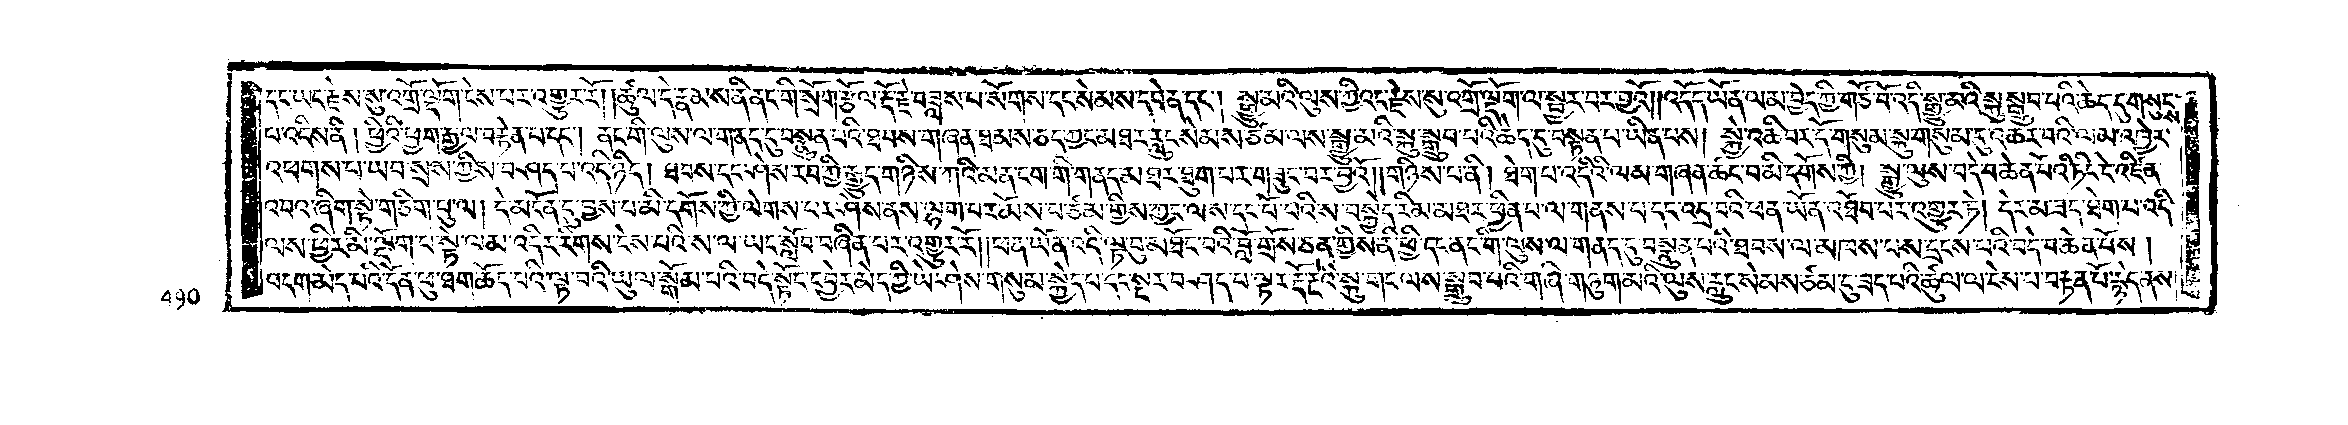དང་ཡང་རྗེས་སུ་འགྲོ་ལྡོག་ངེས་པར་འགྱུར་རོ། །ཚུལ་དེ་རྣམས་ནི་ནང་གི་སྲོག་རྩོལ་རྡོ་རྗེ་བཟླས་པ་སོགས་དང་སེམས་དབེན་དང་། སྒྱུ་མའི་ལུས་ཀྱིའང་རྗེས་སུ་འགྲོ་ལྡོག་ལ་སྦྱར་བར་བྱའོ། །འདོད་ཡོན་ལམ་བྱེད་ཀྱི་གཙོ་བོ་འདི་སྒྱུ་མའི་སྐུ་སྒྲུབ་པའི་ཆེད་དུ་གསུངས་
པ་འདིས་ནི། ཕྱིའི་ཕྱག་རྒྱ་ལ་བརྟེན་པ་དང་། ནང་གི་ལུས་ལ་གནད་དུ་བསྣུན་པའི་ཐབས་གཞན་ཐམས་ཅད་ཀྱང་མཐར་རླུང་སེམས་ཙམ་ལས་སྒྱུ་མའི་སྐུ་སྒྲུབ་པའི་ཆེད་དུ་བསྟན་པ་ཡིན་པས། སྐྱེ་འཆི་བར་དོ་གསུམ་སྐུ་གསུམ་དུ་འཆར་བའི་ལམ་འཁྱེར་
འཕགས་པ་ཡབ་སྲས་ཀྱིས་བཤད་པ་འདི་ཉིད། ཐབས་དང་ཤེས་རབ་ཀྱི་རྒྱུད་གཉིས་ཀའི་མན་ངག་གི་གནད་མཐར་ཐུག་པར་གཟུང་བར་བྱའོ། །གཉིས་པ་ནི། ཐེག་པ་འདིའི་ལམ་གཞན་ཚང་བ་མི་དགོས་ཀྱི། སྒྱུ་ལུས་བདེ་བ་ཆེན་པོའི་ཏིང་ངེ་འཛིན་
འབའ་ཞིག་སྟེ་གཅིག་པུ་ལ། དེ་མངོན་དུ་བྱས་པ་མི་དགོས་ཀྱི་ལེགས་པར་ཤེས་ནས་ལྷག་པར་མོས་པ་ཙམ་གྱིས་ཀྱང་ལས་དང་པོ་པའི་ས་བསྐྱེད་རིམ་མཐར་ཕྱིན་པ་ལ་གནས་པ་དང་འདྲ་བའི་ཕན་ཡོན་འཐོབ་པར་འགྱུར་ཏེ། དེར་མ་ཟད་ཐེག་པ་འདི་
ལས་ཕྱིར་མི་ལྡོག་པ་སྟེ་ལམ་འདིར་རིགས་ངེས་པའི་ས་ལ་ཡང་སློབ་བཞིན་པར་འགྱུར་རོ། །ཕན་ཡོན་འདི་ལྟ་བུ་མཐོང་བའི་བློ་གྲོས་ཅན་གྱིས་ནི་ཕྱི་དང་ནང་གི་ལུས་ལ་གནད་དུ་བསྣུན་པའི་ཐབས་ལ་མཁས་པས་དྲངས་པའི་བདེ་བ་ཆེན་པོས།
བདག་མེད་པའི་དོན་ཕུ་ཐག་ཆོད་པའི་ལྟ་བའི་ཡུལ་སྒོམ་པའི་བདེ་སྟོང་དབྱེར་མེད་ཀྱི་ཡེ་ཤེས་གསུམ་སྐྱེད་པ་དང་སྔར་བཤད་པ་ལྟར་རྡོ་རྗེའི་སྐུ་གང་ལས་སྒྲུབ་པའི་གཞི་གཉུག་མའི་ལུས་རླུང་སེམས་ཙམ་དུ་ཟད་པའི་ཚུལ་ལ་ངེས་པ་བརྟན་པོ་རྙེད་ནས།